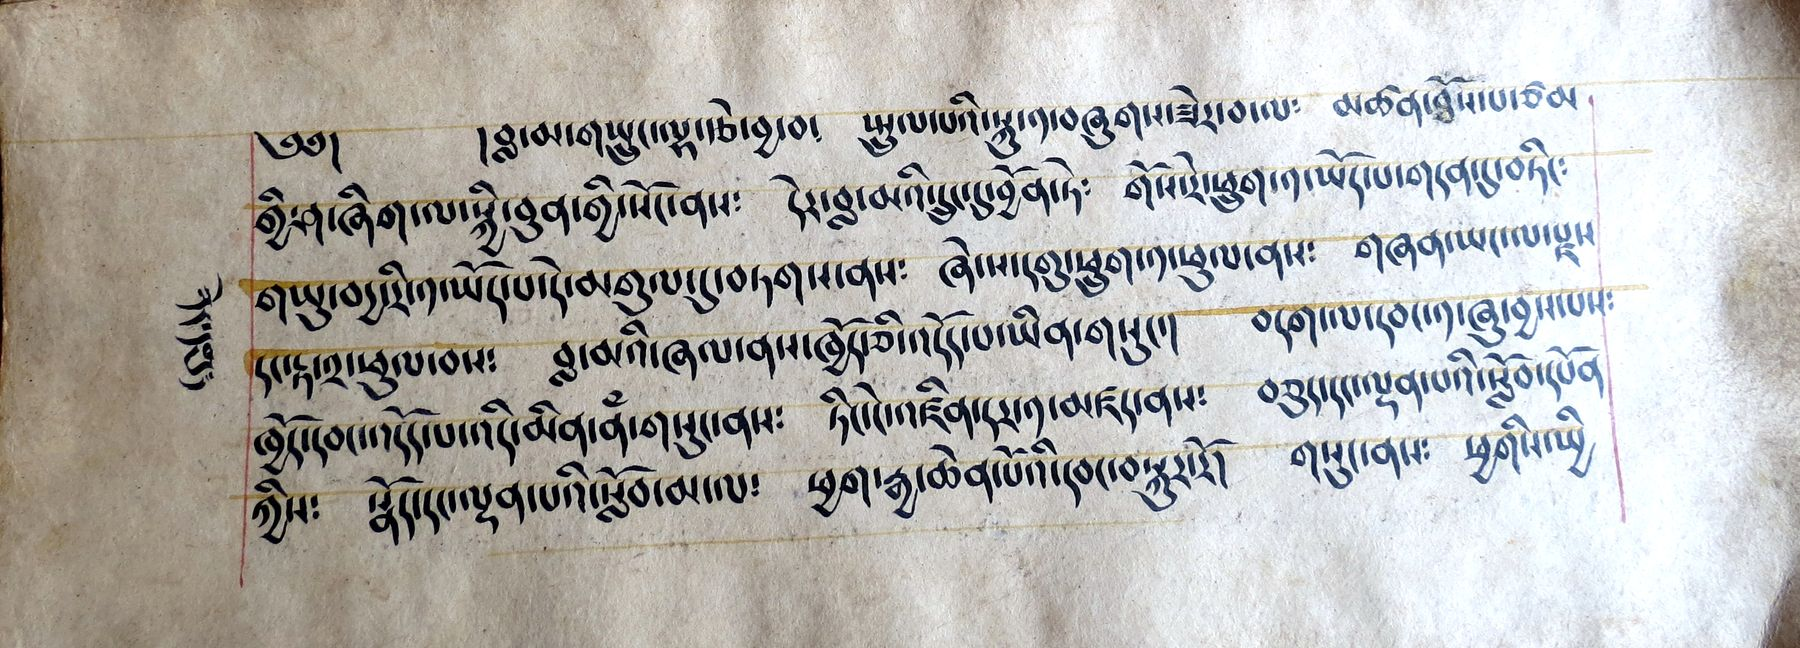བླ་མ་གཡུང་དྲུང་ལྷ་རྩེ་བྱ་བ། སྤྲུལ་པའི་སྐུ་ཞིག་བཞུགས་ཟེར་བ་ལ། མཚན་ཐོས་ཙམ་
གྱིས་ཤ་ཞིག་ལ་སྐྱི་བུན་གྱི་སོང་ནས། དེར་བླ་མའི་དྲུང་དུ་བྱོན་ཏེ། གོས་རེ་ཕྲུག་གཅིག་ཡོད་པ་གདན་དུ་བཏིང་། 
གཡུ་བརྒྱ་རི་ཅིག་ཡོད་པ་མགུལ་དུ་བཏགས་ནས། ཞེ་ས་དགུ་ཕྲུག་ཅིག་ཕུལ་ནས། གཞན་ཡང་ལ་རྫས་༼རྫས་ཆ་༽
དང་། རྟ་གཉིས་ཕུལ་ནས། བླ་མའི་ཞལ་ནས་ཁྱོད་ཅི་འདོད་པ་ཡིན་གསུངས། བདག་ལ་དབང་ཞིག་ཞུ་བྱས་པས། 
ཁྱོད་དབང་འདོད་པ་འདི་མིན་ནམ་གསུངས། ཏིང་ངེ་འཛིན་དར་ཅིག་མཛད་ནས། བཅུད་དང་ལྡན་པའི་སློབ་དཔོན་
གྱིས། སྣོད་དང་ལྡན་པའི་སློམ་མ་ལ། ཕྱག་རྒྱ་ཆེན་པོའི་དབང་བསྐུར་རོ། །གསུང་ནས་ཕྱག་གིས་སྤྱི་